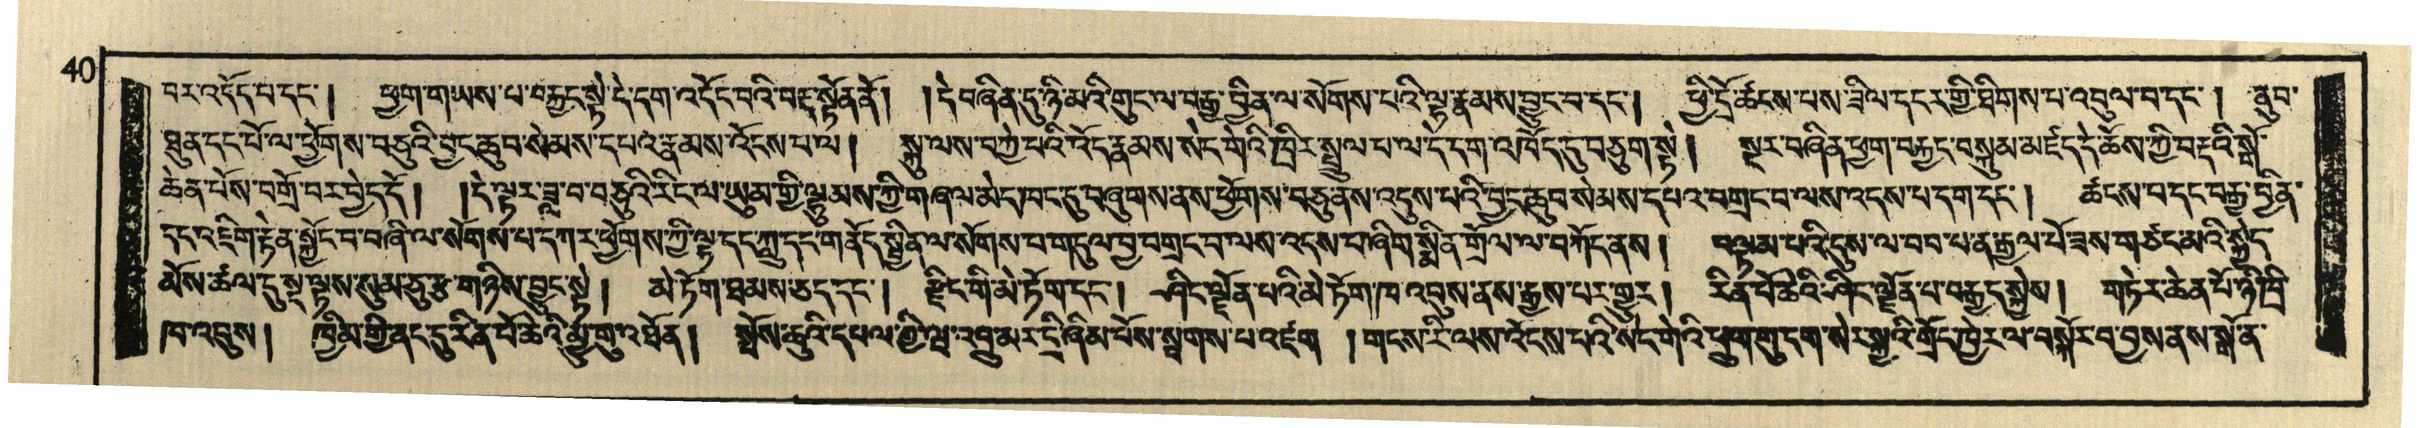བར་འདོད་པ་དང་། ཕྱག་གཡས་པ་བརྐྱང་སྟེ་དེ་དག་འདོད་པའི་བརྡ་སྟོན་ནོ། །དེ་བཞིན་དུ་ཉི་མའི་གུང་ལ་བརྒྱ་བྱིན་ལ་སོགས་པའི་ལྷ་རྣམས་བྱུང་བ་དང་། ཕྱི་དྲོ་ཚངས་པས་ཟིལ་དངར་གྱི་ཐིགས་པ་འབུལ་བ་དང་། ནུབ་
ཐུན་དང་པོ་ལ་ཕྱོགས་བཅུའི་བྱང་ཆུབ་སེམས་དཔའ་རྣམས་འོངས་པ་ལ། སྐུ་ལས་བཀྱེ་པའི་འོད་རྣམས་སེང་གེའི་ཁྲིར་སྤྲུལ་པ་ལ་དེ་དག་འཁོད་དུ་བཅུག་སྟེ། སྔར་བཞིན་ཕྱག་བརྐྱང་བསྐུམ་མཛད་དེ་ཆོས་ཀྱི་བརྡའི་སྒོ་
ཆེན་པོས་བགྲོ་བར་བྱེད་དོ། །དེ་ལྟར་ཟླ་བ་བཅུའི་རིང་ལ་ཡུམ་གྱི་ལྷུམས་ཀྱི་གཞལ་མེད་ཁང་དུ་བཞུགས་ནས་ཕྱོགས་བཅུ་ནས་འདུས་པའི་བྱང་ཆུབ་སེམས་དཔའ་བགྲང་བ་ལས་འདས་པ་དག་དང་། ཚངས་པ་དང་བརྒྱ་བྱིན་
དང་འཇིག་རྟེན་སྐྱོང་བ་བཞི་ལ་སོགས་པ་དཀར་ཕྱོགས་ཀྱི་ལྷ་དང་ཀླུ་དང་གནོད་སྦྱིན་ལ་སོགས་པ་གདུལ་བྱ་བགྲང་བ་ལས་འདས་པ་ཞིག་སྨིན་གྲོལ་ལ་བཀོད་ནས། བལྟམ་པའི་དུས་ལ་བབ་པ་ན་རྒྱལ་པོ་ཟས་གཙང་མའི་སྐྱེད་
མོས་ཚལ་དུ་སྔ་ལྟས་སུམ་ཅུ་རྩ་གཉིས་བྱུང་སྟེ། མེ་ཏོག་ཐམས་ཅད་དང་། རྫིང་གི་མེ་ཏོག་དང་། ཤིང་ལྗོན་པའི་མེ་ཏོག་ཁ་འབུས་ནས་རྒྱས་པར་གྱུར། རིན་པོ་ཆེའི་ཤིང་ལྗོན་པ་བརྒྱད་སྐྱེས། གཏེར་ཆེན་པོ་ཉི་ཁྲི་
ཁ་འབུས། ཁྱིམ་གྱི་ནང་དུ་རིན་པོ་ཆེའི་མྱུ་གུ་འཐོན། སྤོས་ཆུའི་དཔལ་གྱི་ཝ་འབྲུ་མར་དྲི་ཞིམ་པོས་སྤགས་པ་འཛག །གངས་རི་ལས་འོངས་པའི་སེང་གེའི་ཕྲུག་གུ་ངག་སེར་སྐྱའི་གྲོང་ཁྱེར་ལ་བསྐོར་བ་བྱས་ནས་སྒོ་ན་